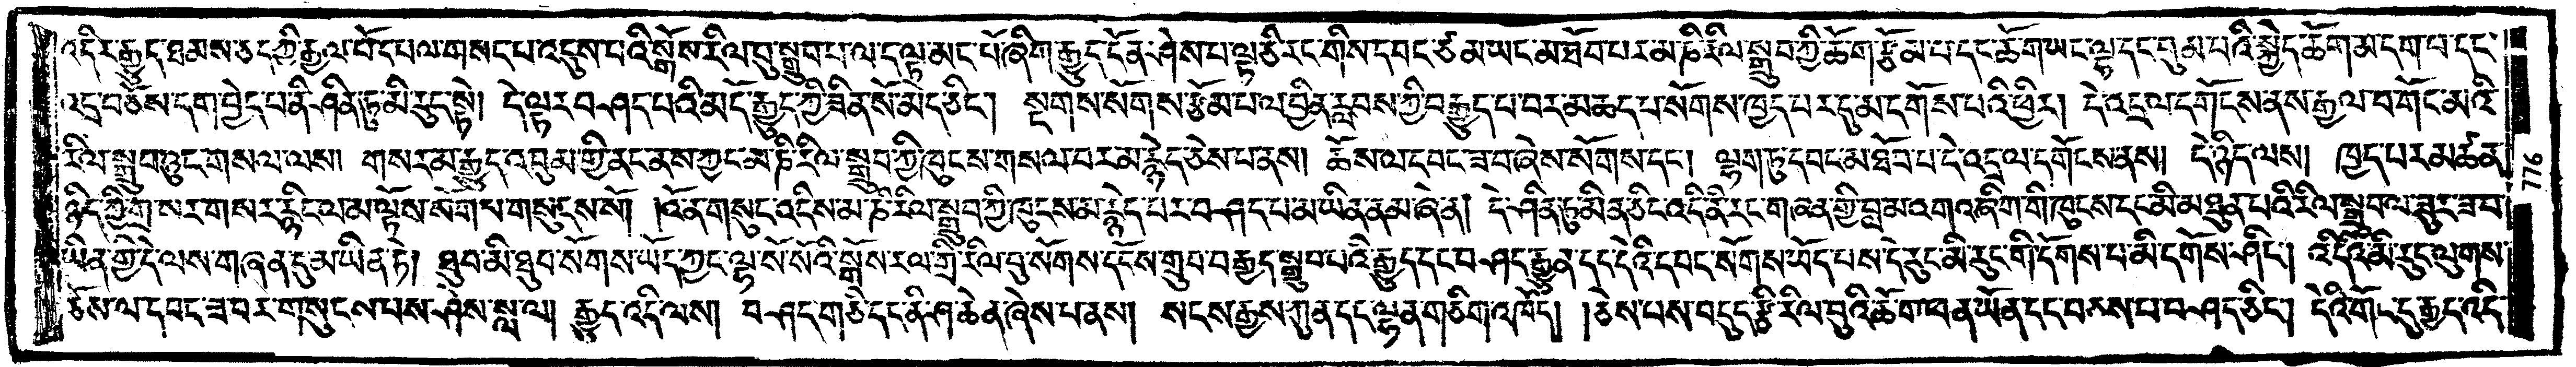འདིར་རྒྱུད་ཐམས་ཅད་ཀྱི་རྒྱལ་པོ་དཔལ་གསང་པ་འདུས་པའི་སྒོས་རིལ་བུ་སྒྲུབ་པ་ལ་ད་ལྟ་མང་པོ་ཞིག་རྒྱུད་དོན་ཤེས་པ་ལྟ་ཅི་རང་གིས་དབང་ཙམ་ཡང་མཐོབ་པར་མ་ཎི་རིལ་སྒྲུབ་ཀྱི་ཆོག་རྩོམ་པ་དང་ཆོག་ཡང་ལྷ་དང་བུམ་པའི་སྐྱེད་ཆོག་མ་དག་པ་དང་
འདྲ་བཅོས་དག་བྱེད་པ་ནི་ཤིན་ཏུ་མི་རུང་སྟེ། དེ་ལྟར་བཤད་པའི་མདོ་རྒྱུད་ཀྱི་ཟིན་སོ་མེད་ཅིང་། སྔགས་སོགས་རྩོམ་པ་ལ་བྱིན་རླབས་ཀྱི་བརྒྱུད་པ་བར་མ་ཆད་པ་སོགས་ཁྱད་པར་དུ་མ་དགོས་པའི་ཕྱིར། དེ་འདྲལ་དགོངས་ནས་རྒྱལ་བ་གོང་མའི་
རིལ་སྒྲུབ་ཉུང་གསལ་ལས། གསར་མ་རྒྱུད་འབུམ་གྱི་ནང་ནས་ཀྱང་མ་ཎི་རིལ་སྒྲུབ་ཀྱི་ཁུངས་གསལ་བ་མ་རྙེད་ཅེས་པ་ནས། ཆོས་ལ་དབང་ཟ་བཞེས་སོགས་དང་། ལྷག་ཏུ་དབང་མཐོབ་པ་དེ་འདྲལ་དགོངས་ནས། དེ་ཉིད་ལས། ཁྱད་པར་མཚན་
ཉིད་ཀྱི་གྲ་སར་གསར་རྙིང་ལམ་ལྟོས་སོགས་གསུངས་སོ། །འོན་གསུང་འདིས་མ་ཎི་རིལ་སྒྲུབ་ཀྱི་ཁུངས་མ་རྙེད་པར་བཤད་པ་མ་ཡིན་ནམ་ཞེ་ན། དེ་ཤིན་ཏུ་མིན་ཅིང་འདི་ནི་རང་གཞན་གྱི་བླ་མ་འགའ་མིག་གི་ཁུངས་དང་མི་མཐུན་པའི་རིལ་སྒྲུབ་ལ་ཟུར་ཐ་བ་
ཡིན་གྱི་དེ་ལས་གཞན་དུ་མ་ཡིན་ཏེ། ཐུབ་མི་ཐུབ་སོགས་ཡོད་ཀྱང་ལྷ་སོ་སོའི་སྒོས་རལ་གྲི་རིལ་བུ་སོགས་དངོས་གྲུབ་བརྒྱད་སྒྲུབ་པའི་རྒྱུད་དང་བཤད་རྒྱུན་དང་དེའི་དབང་སོགས་ཡོད་པས་དེ་རུང་མི་རུང་གི་དོགས་པ་མི་དགོས་ཤིང་། འདིའི་མི་རུང་ལུགས་
ཆོས་ལ་དབང་ཟ་བར་གསུངས་པས་ཤེས་སླ་ལ། རྒྱུད་འདི་ལས། བཤད་གཅི་དང་ནི་ཤ་ཆེན་ཞེས་པ་ནས། སངས་རྒྱས་ཀུན་དང་ལྷན་གཅིག་འཁོར། །ཅེས་པས་བདུད་རྩི་རིལ་བུའི་ཆོས་ཕན་ཡོན་དང་བཅས་པ་བཤད་ཅིང་། དེའི་གོང་དུ་རྒྱུད་འདི་